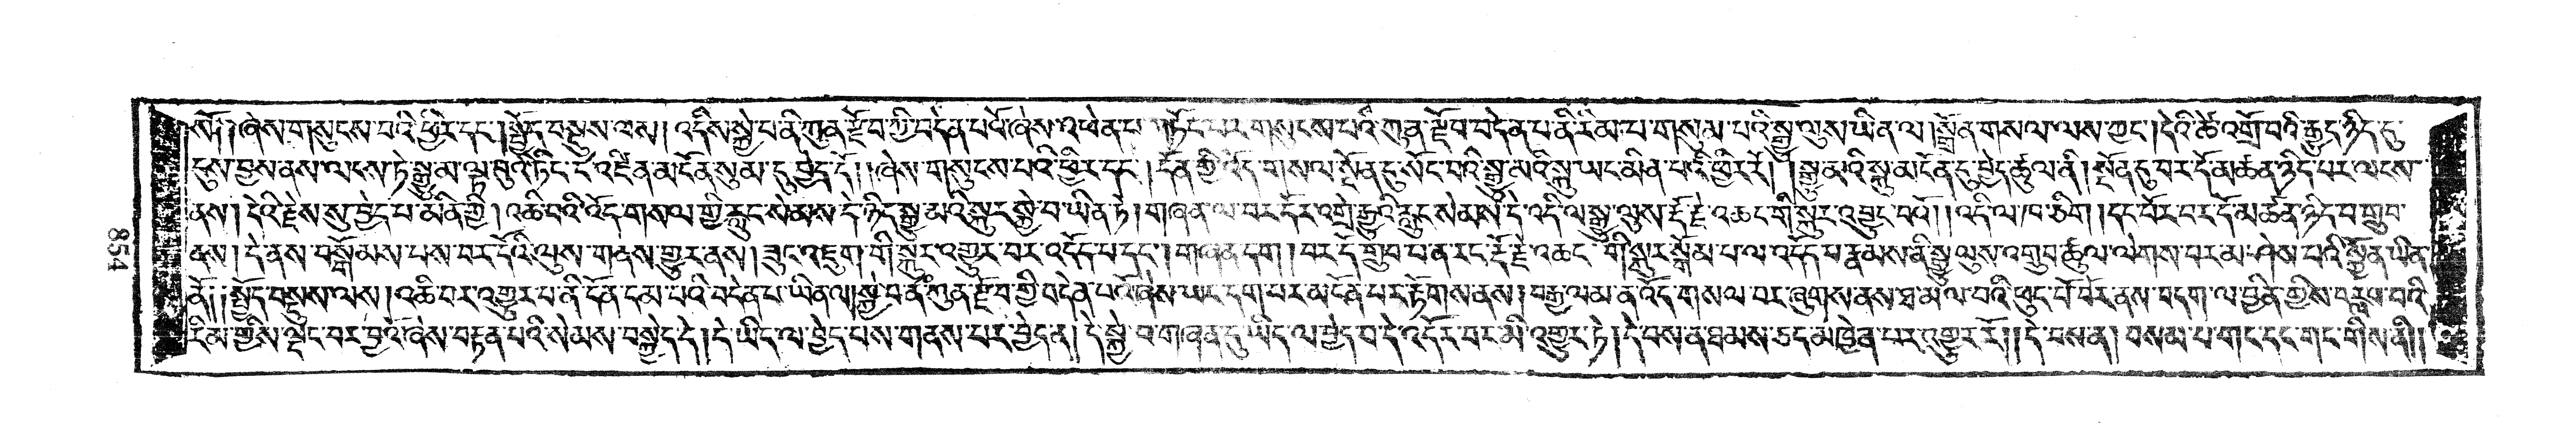སོ། །ཞེས་གསུངས་པའི་ཕྱིར་དང་། སྤྱོད་བསྡུས་ལས། འདིས་སྐྱེ་བ་ནི་ཀུན་རྫོབ་ཀྱི་བདེན་པའོ་ཞེས་འཕེན་པ་གཏོང་པར་གསུངས་པའི་ཀུན་རྫོབ་བདེན་པ་ནི་རིམ་པ་གསུམ་པའི་སྒྱུ་ལུས་ཡིན་ལ། སྒྲོན་གསལ་ལས་ཀྱང་། དེའི་ཚེ་འགྲོ་བའི་རྒྱུད་ཉིད་དུ་
དུས་བྱས་ནས་ལངས་ཏེ་སྒྱུ་མ་ལྟ་བུའི་ཏིང་ངེ་འཛིན་མངོན་སུམ་དུ་བྱེད་དོ། །ཞེས་གསུངས་པའི་ཕྱིར་དང་། དོན་གྱི་འོད་གསལ་སྔོན་དུ་སོང་བའི་སྒྱུ་མའི་སྐུ་ཡང་མིན་པའི་ཕྱིར་རོ། །སྒྱུ་མའི་སྐུ་མངོན་དུ་བྱེད་ཚུལ་ནི། སྔོན་དུ་བར་དོ་མཚན་ཉིད་པར་ལངས་ནས། དེའི་རྗེས་སུ་བྱེད་པ་མིན་གྱི། འཆི་བའི་འོད་གལ་གྱི་རླུང་སེམས་དེ་ཉིད་སྒྱུ་མའི་སྐུར་སྐྱེ་བ་ཡིན་ཏེ། གཞན་ལ་བར་དོར་འགྲོ་རྒྱུའི་རླུང་སེམས་དེ་འདི་ལ་སྒྱུ་ལུས་རྡོ་རྗེ་འཆང་གི་སྐུར་འབྱུང་བའོ། །འདི་ལ་ཁ་ཅིག །དང་པོར་བར་དོ་མཚན་ཉིད་པ་གྲུབ་
ནས། དེ་ནས་བསྒོམས་པས་བར་དོའི་ལུས་གནས་གྱུར་ནས། ཟུང་འཇུག་གི་སྐུར་འགྱུར་བར་འདོད་པ་དང་། གཞན་དག །བར་དོ་གྲུབ་པ་ན་རང་རྡོ་རྗེ་འཆང་གི་སྐུར་སྒོམ་པ་ལ་འདོད་པ་རྣམས་ནི་སྒྱུ་ལུས་འགྲུབ་ཚུལ་ལེགས་པར་མ་ཤེས་པའི་སྐྱོན་ཡིན་
ནོ། །སྤྱོད་བསྡུས་ལས། འཆི་བར་འགྱུར་པ་ནི་དོན་དམ་པའི་བདེན་པ་ཡིན་ལ། སྐྱེ་བ་ནི་ཀུན་རྫོབ་ཀྱི་བདེན་པའོ་ཞེས་ཡང་དག་པར་མངོན་པར་རྟོགས་ནས། བརྒྱ་ལམ་ན་འོད་གསལ་བར་ཞུགས་ནས་ཐ་མལ་པའི་ཕུང་པོ་བོར་ནས་བདག་ལ་བྱིན་གྱིས་བརླབ་པའི་
རིམ་གྱིས་ལྡང་བར་བྱའོ་ཞེས་བརྟན་པའི་སེམས་བསྐྱེད་དེ། དེ་ཡིད་ལ་བྱེད་པས་གནས་པར་བྱེད་ན། དེ་སྐྱེ་བ་གཞན་དུ་ཡིད་ལ་བྱེད་པ་དེ་འདོར་བར་མི་འགྱུར་ཏེ། དེ་བས་ན་ཐམས་ཅད་མཁྱེན་པར་འགྱུར་རོ། །དེ་བས་ན། བསམ་པ་གང་དང་གང་གིས་ནི། །